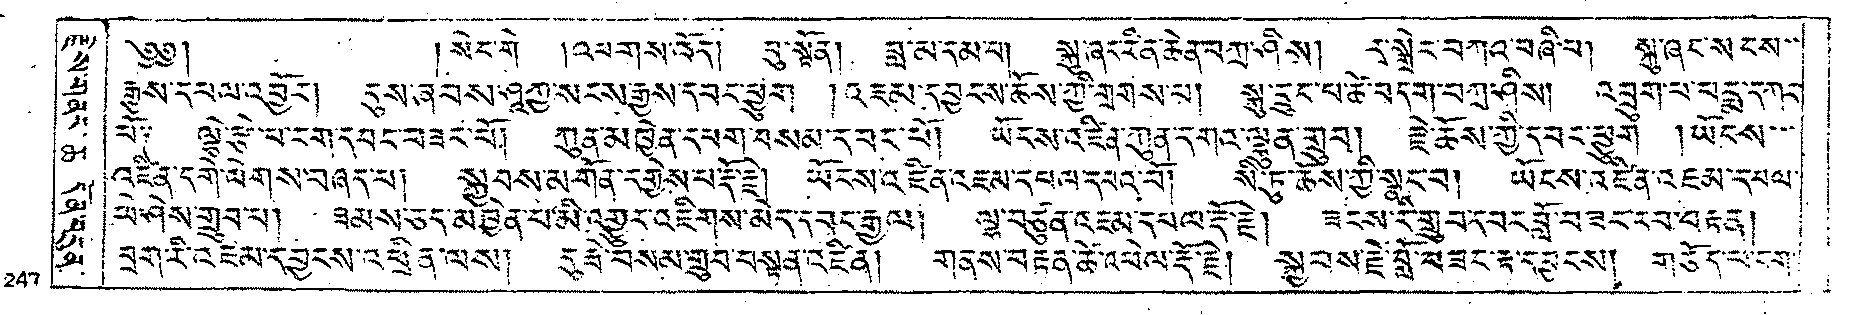༄༅། །སེང་གེ །འཕགས་འོད། བུ་སྟོན། བླ་མ་དམ་པ། སྐུ་ཞང་རིན་ཆེན་བཀྲ་ཤིས། རྭ་སྒྲེང་བཀའ་བཞི་པ། སྐུ་ཞང་སངས་
རྒྱས་དཔལ་འབྱོར། དུས་ཞབས་ཤཱཀྱ་སངས་རྒྱས་དབང་ཕྱུག །འཇམ་དབྱངས་ཆོས་ཀྱི་གྲགས་པ། སྐུ་དྲུང་པ་ཚེ་བདག་བཀྲ་ཤིས། འབྲུག་པ་པདམ་དཀར་
པོ༑ ལྕེ་རྩེ་པ་ངག་དབང་བཟང་པོ། ཀུན་མཁྱེན་དཔག་བསམ་དབང་པོ། ཡོངས་འཛིན་ཀུན་དགའ་ལྷུན་གྲུབ། རྗེ་ཆོས་ཀྱི་དབང་ཕྱུག །ཡོངས་
འཛིན་དགེ་ལེགས་བཞད་པ། སྐྱབས་མགོན་དགྱེས་པ་རྡོ་རྗེ། ཡོངས་འཛིན་འཇམ་དཔལ་དཔའ་བོ། སི་ཏུ་ཆོས་ཀྱི་སྣང་བ། ཡོངས་འཛིན་འཇམ་དཔལ་
ཡེ་ཤེས་གྲུབ་པ། ཐམས་ཅད་མཁྱེན་པ་མི་འགྱུར་འཇིགས་མེད་དབང་རྒྱལ། ལྷ་བཙུན་འཇམ་དཔལ་རྡོ་རྗེ། ཟངས་རི་གྲུབ་དབང་བློ་བཟང་རབ་བརྟན།
བྲག་རི་འཇམ་དབྱངས་འཕྲིན་ལས། དུརྦེ་བསམ་གྲུབ་བསྟན་འཛིན། གནས་བརྟན་ཚེ་འཕེལ་རྡོ་རྗེ། སྐྱབས་རྗེ་བློ་བཟང་རྟ་དབྱངས། གཅོད་པ་ངག་